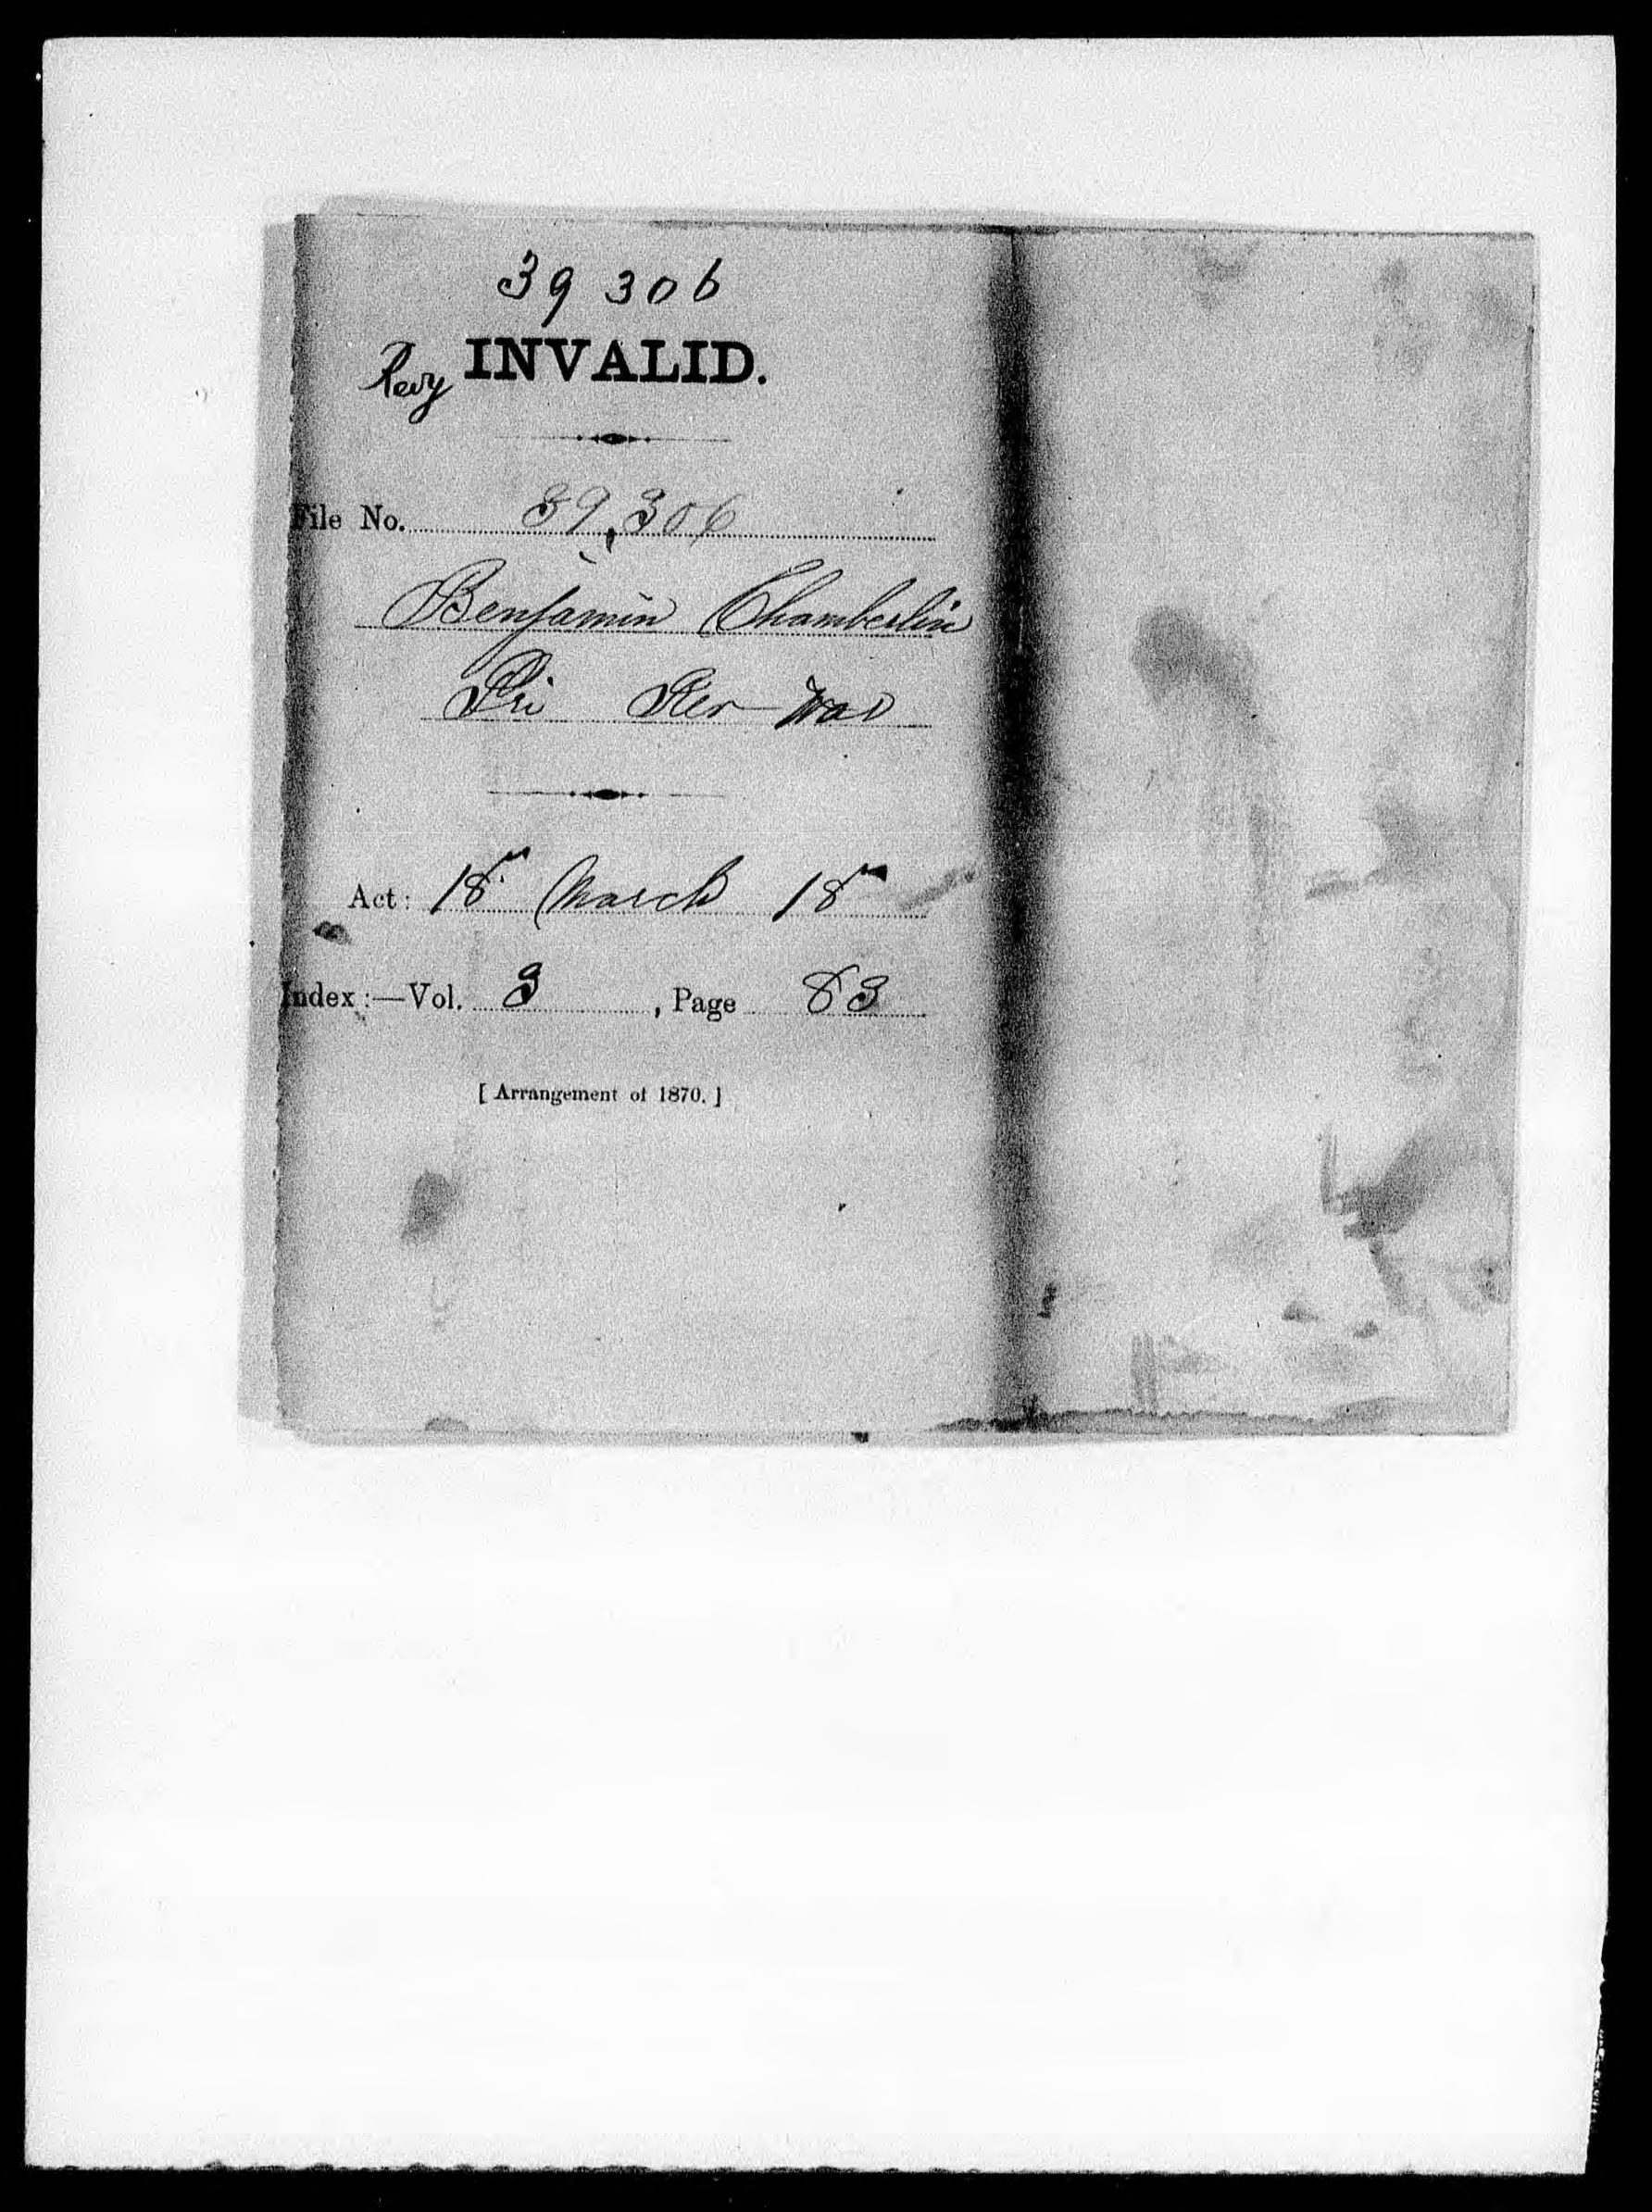39306
Revy INVALID.
File No.: 39,306
Benjamin Chamberlin
Pri Rev War
Act: 18 March 18
Index: _ Vol. 3, Page 83
[Arrangement of 1870.]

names: Benjamin Chamberlin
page: 14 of 30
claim: survivor's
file: S. 39306, Benjamin Chamberlin, Mass.